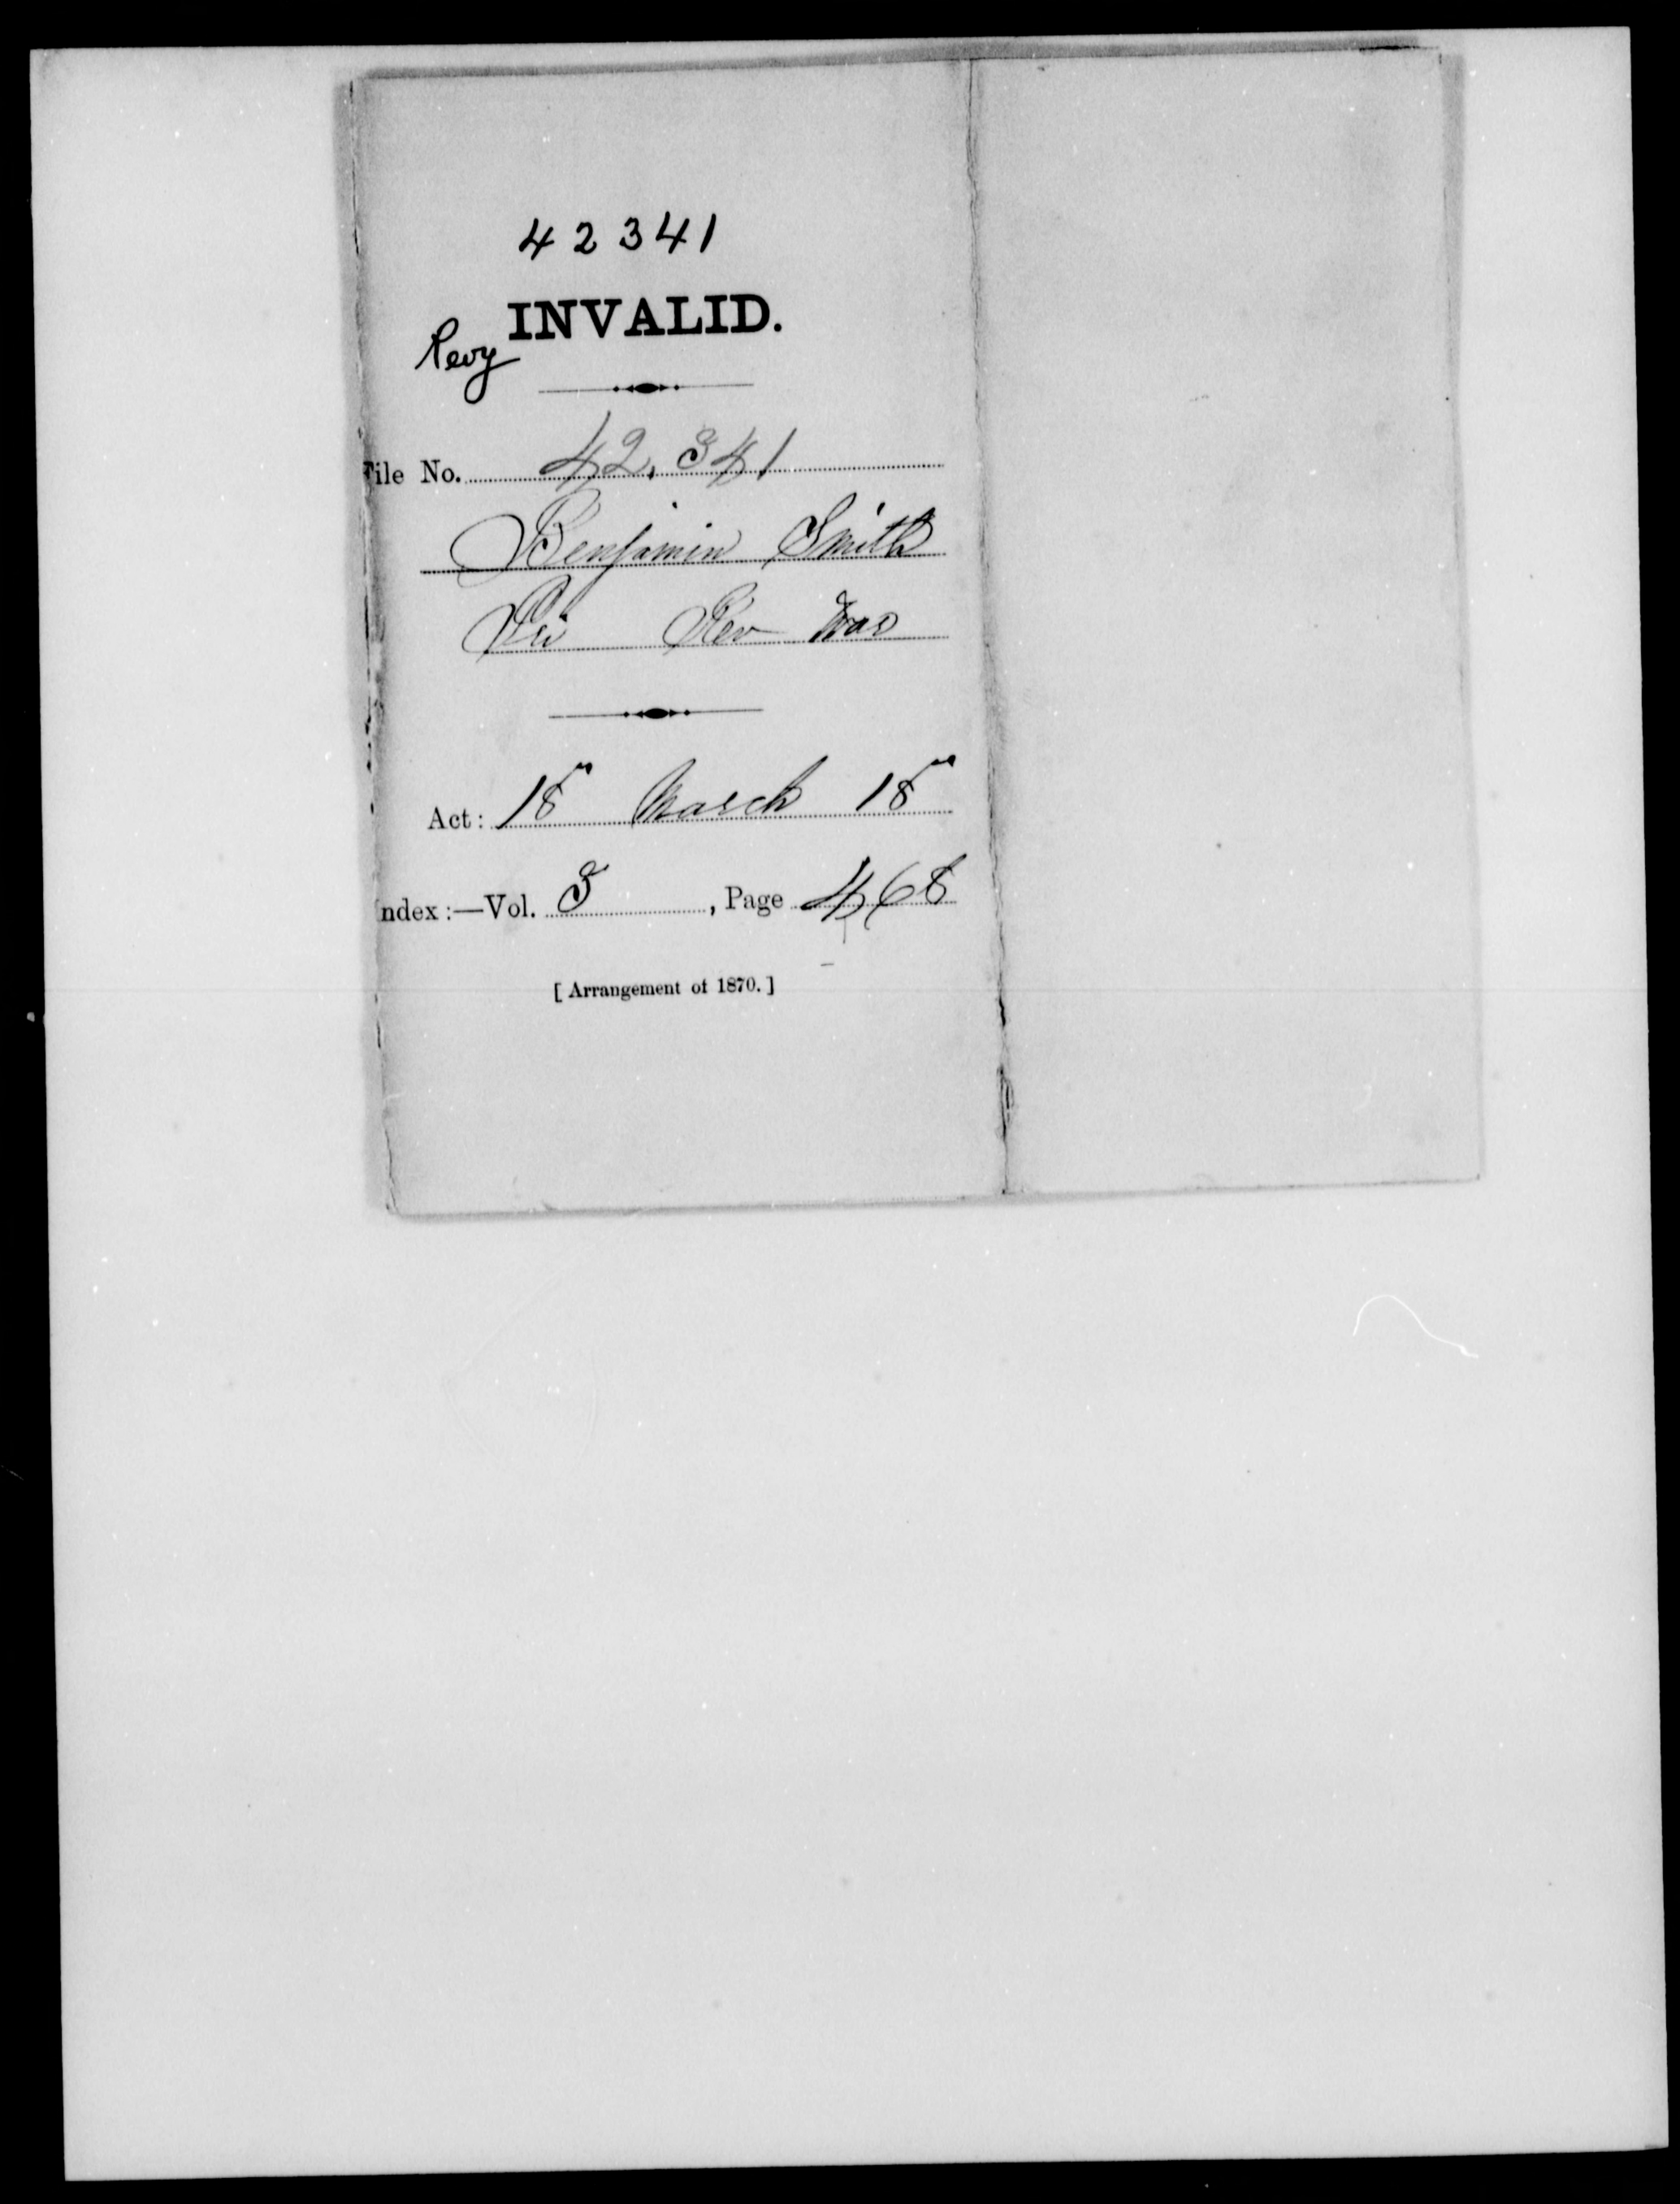42341

INVALID.
Revy
File No. 42,341
Benjamin Smith
Pri Rev War

Act: 18 March 18
Index: - Vol. 3, Page 468

[Arrangement of 1870]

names: Benjamin Smith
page: 13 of 16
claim: survivor's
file: S. 42341, for Benjamin Smith, Rhode Island